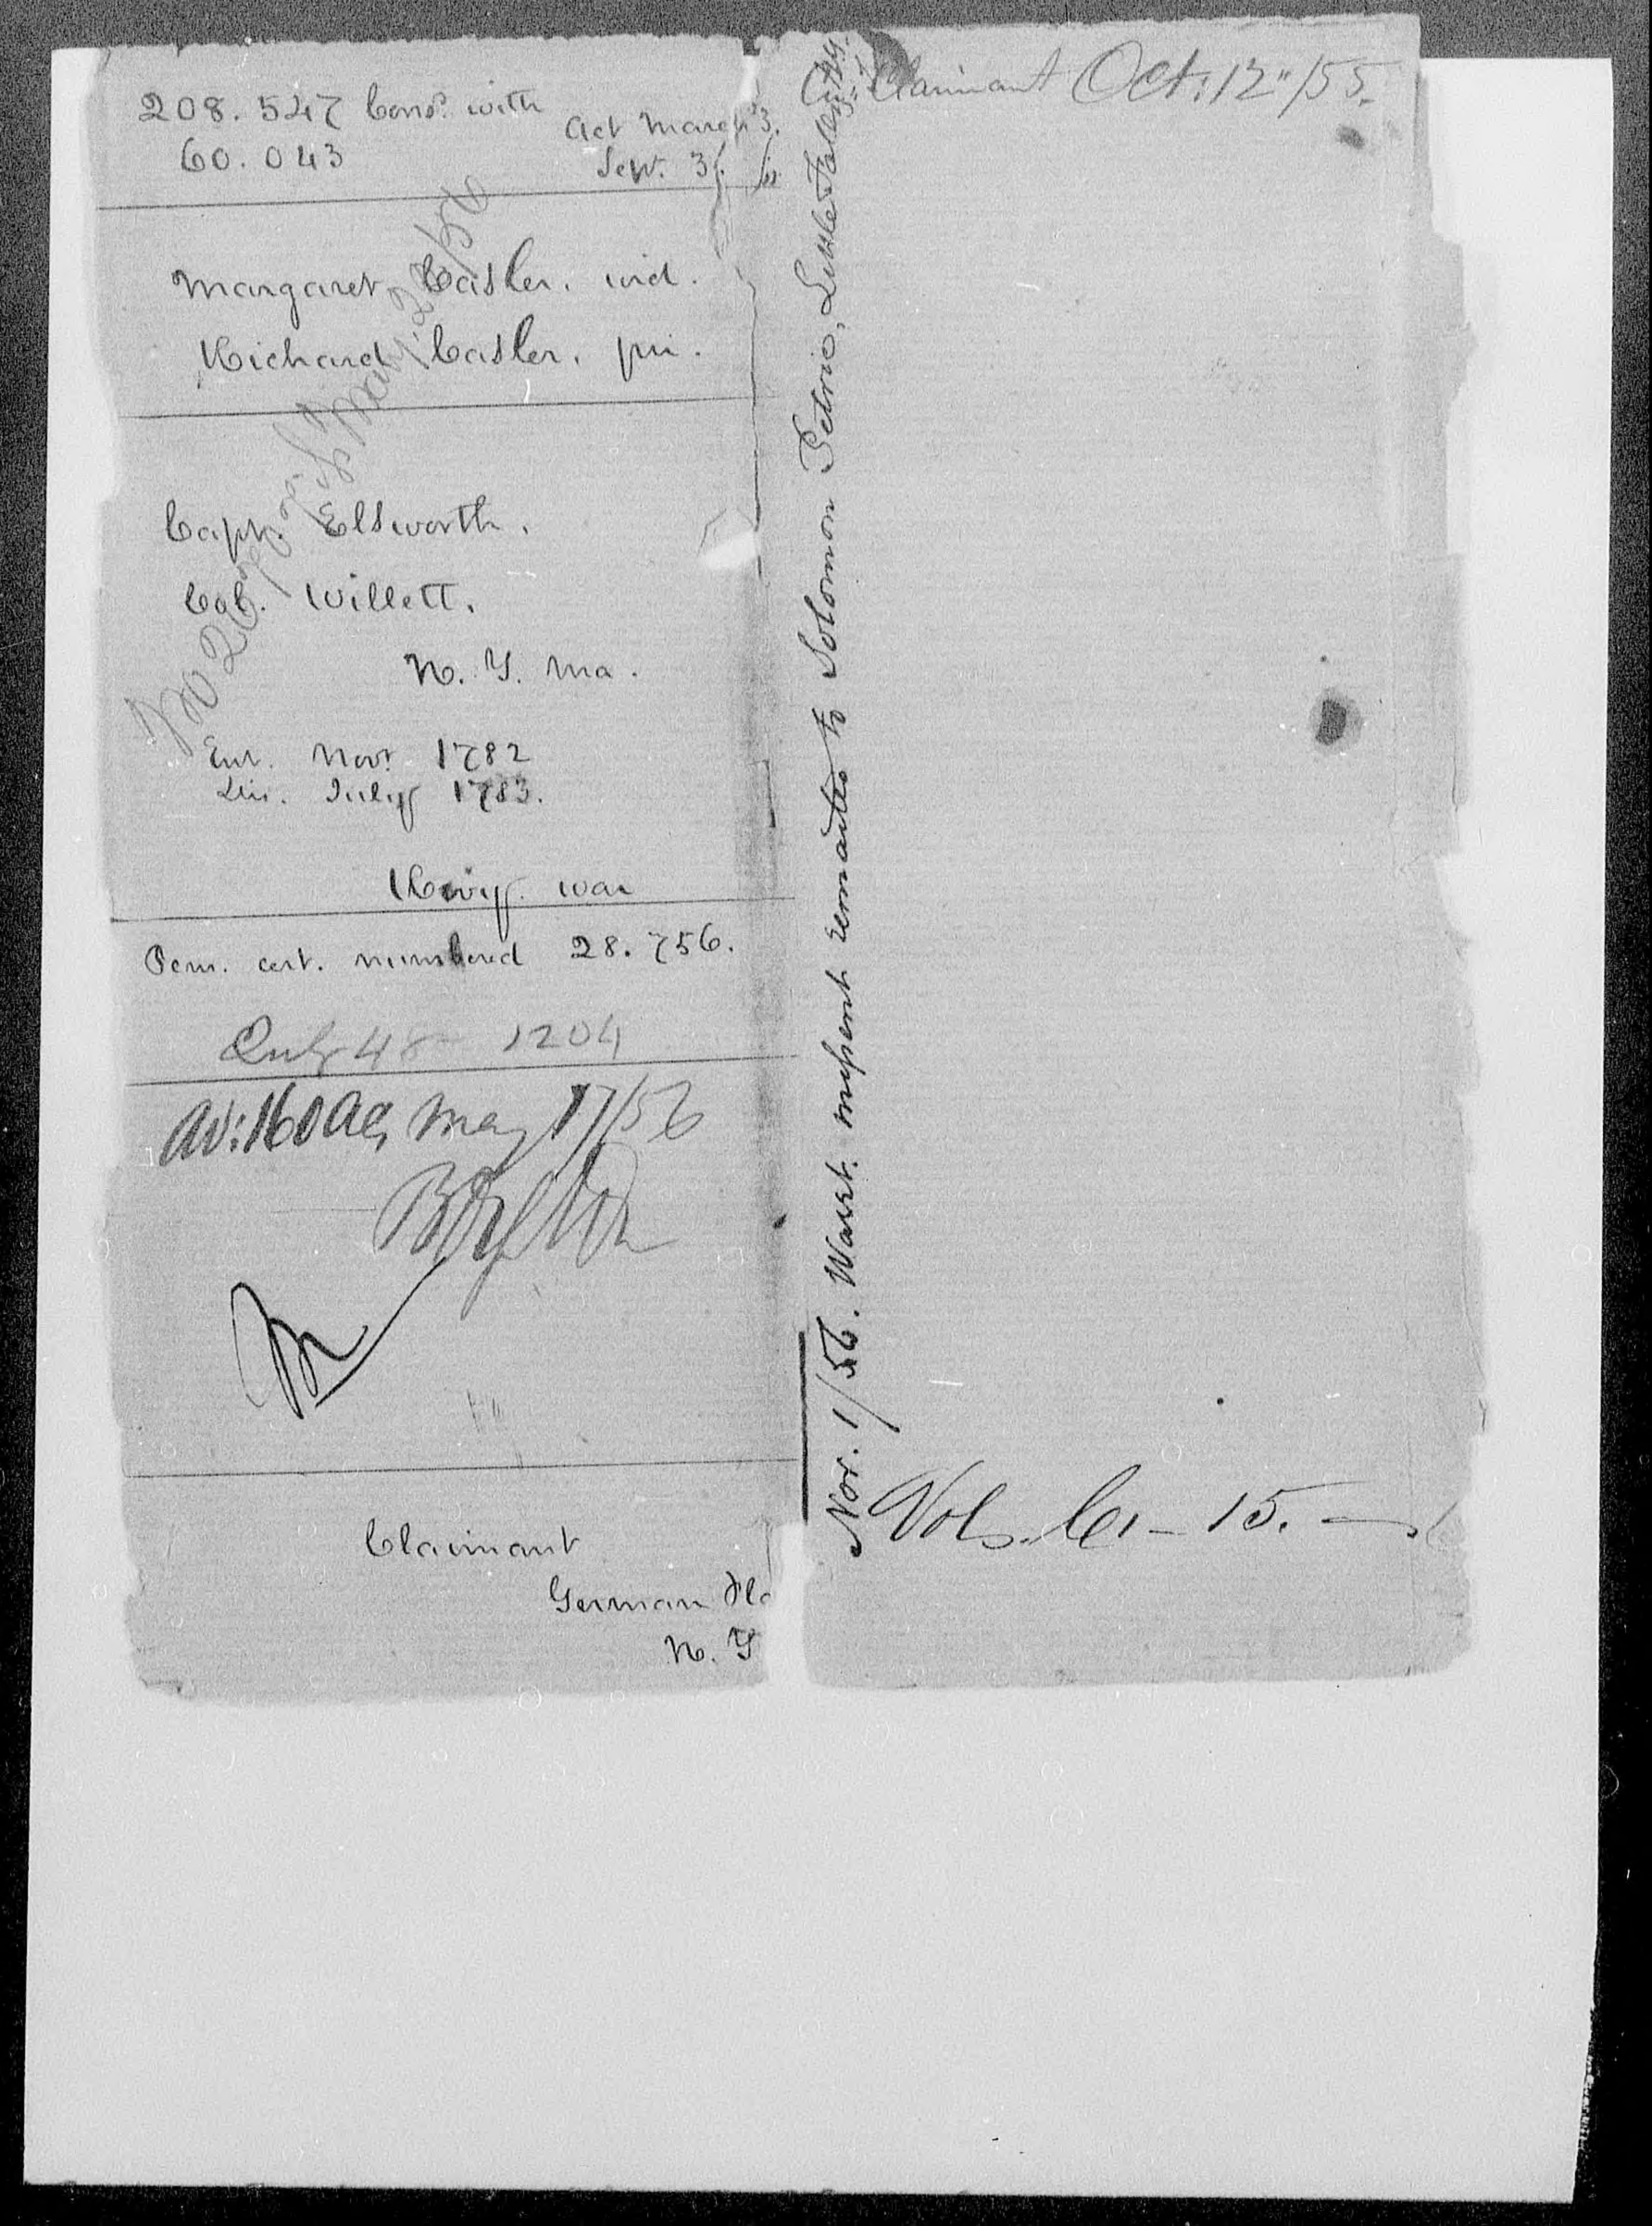208.547 Consd. with 60.043 Act March 3 Sept. 3 Six

Margaret Casler, wid. Richard Casler, pri.

Capt. Ellsworth, 
Col. Willett, N.Y. Ma.
Enl. Novr. 1782 
Dis. July 1883.
Revy War 
Pens. cert. numbered 28.756. 
July 48 1204 

[written diagonally across page] No 26.707 iss May 22/56

Av:160 ac. May 17/56 
Boynton

Claimant 
German Flatts N.Y.

Nov. 1/56. Warret. Missent remaited to Solomon Petrie, Little Falls N.Y.

Claimant Oct: 12”/55.
Vol. C1 – 15. -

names: Elsworth, Willett, Slomon Petrie, Margaret Casler, Boynton, Richard Casler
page: 16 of 66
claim: widow's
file: W. 6637, Richard Caslar, New York